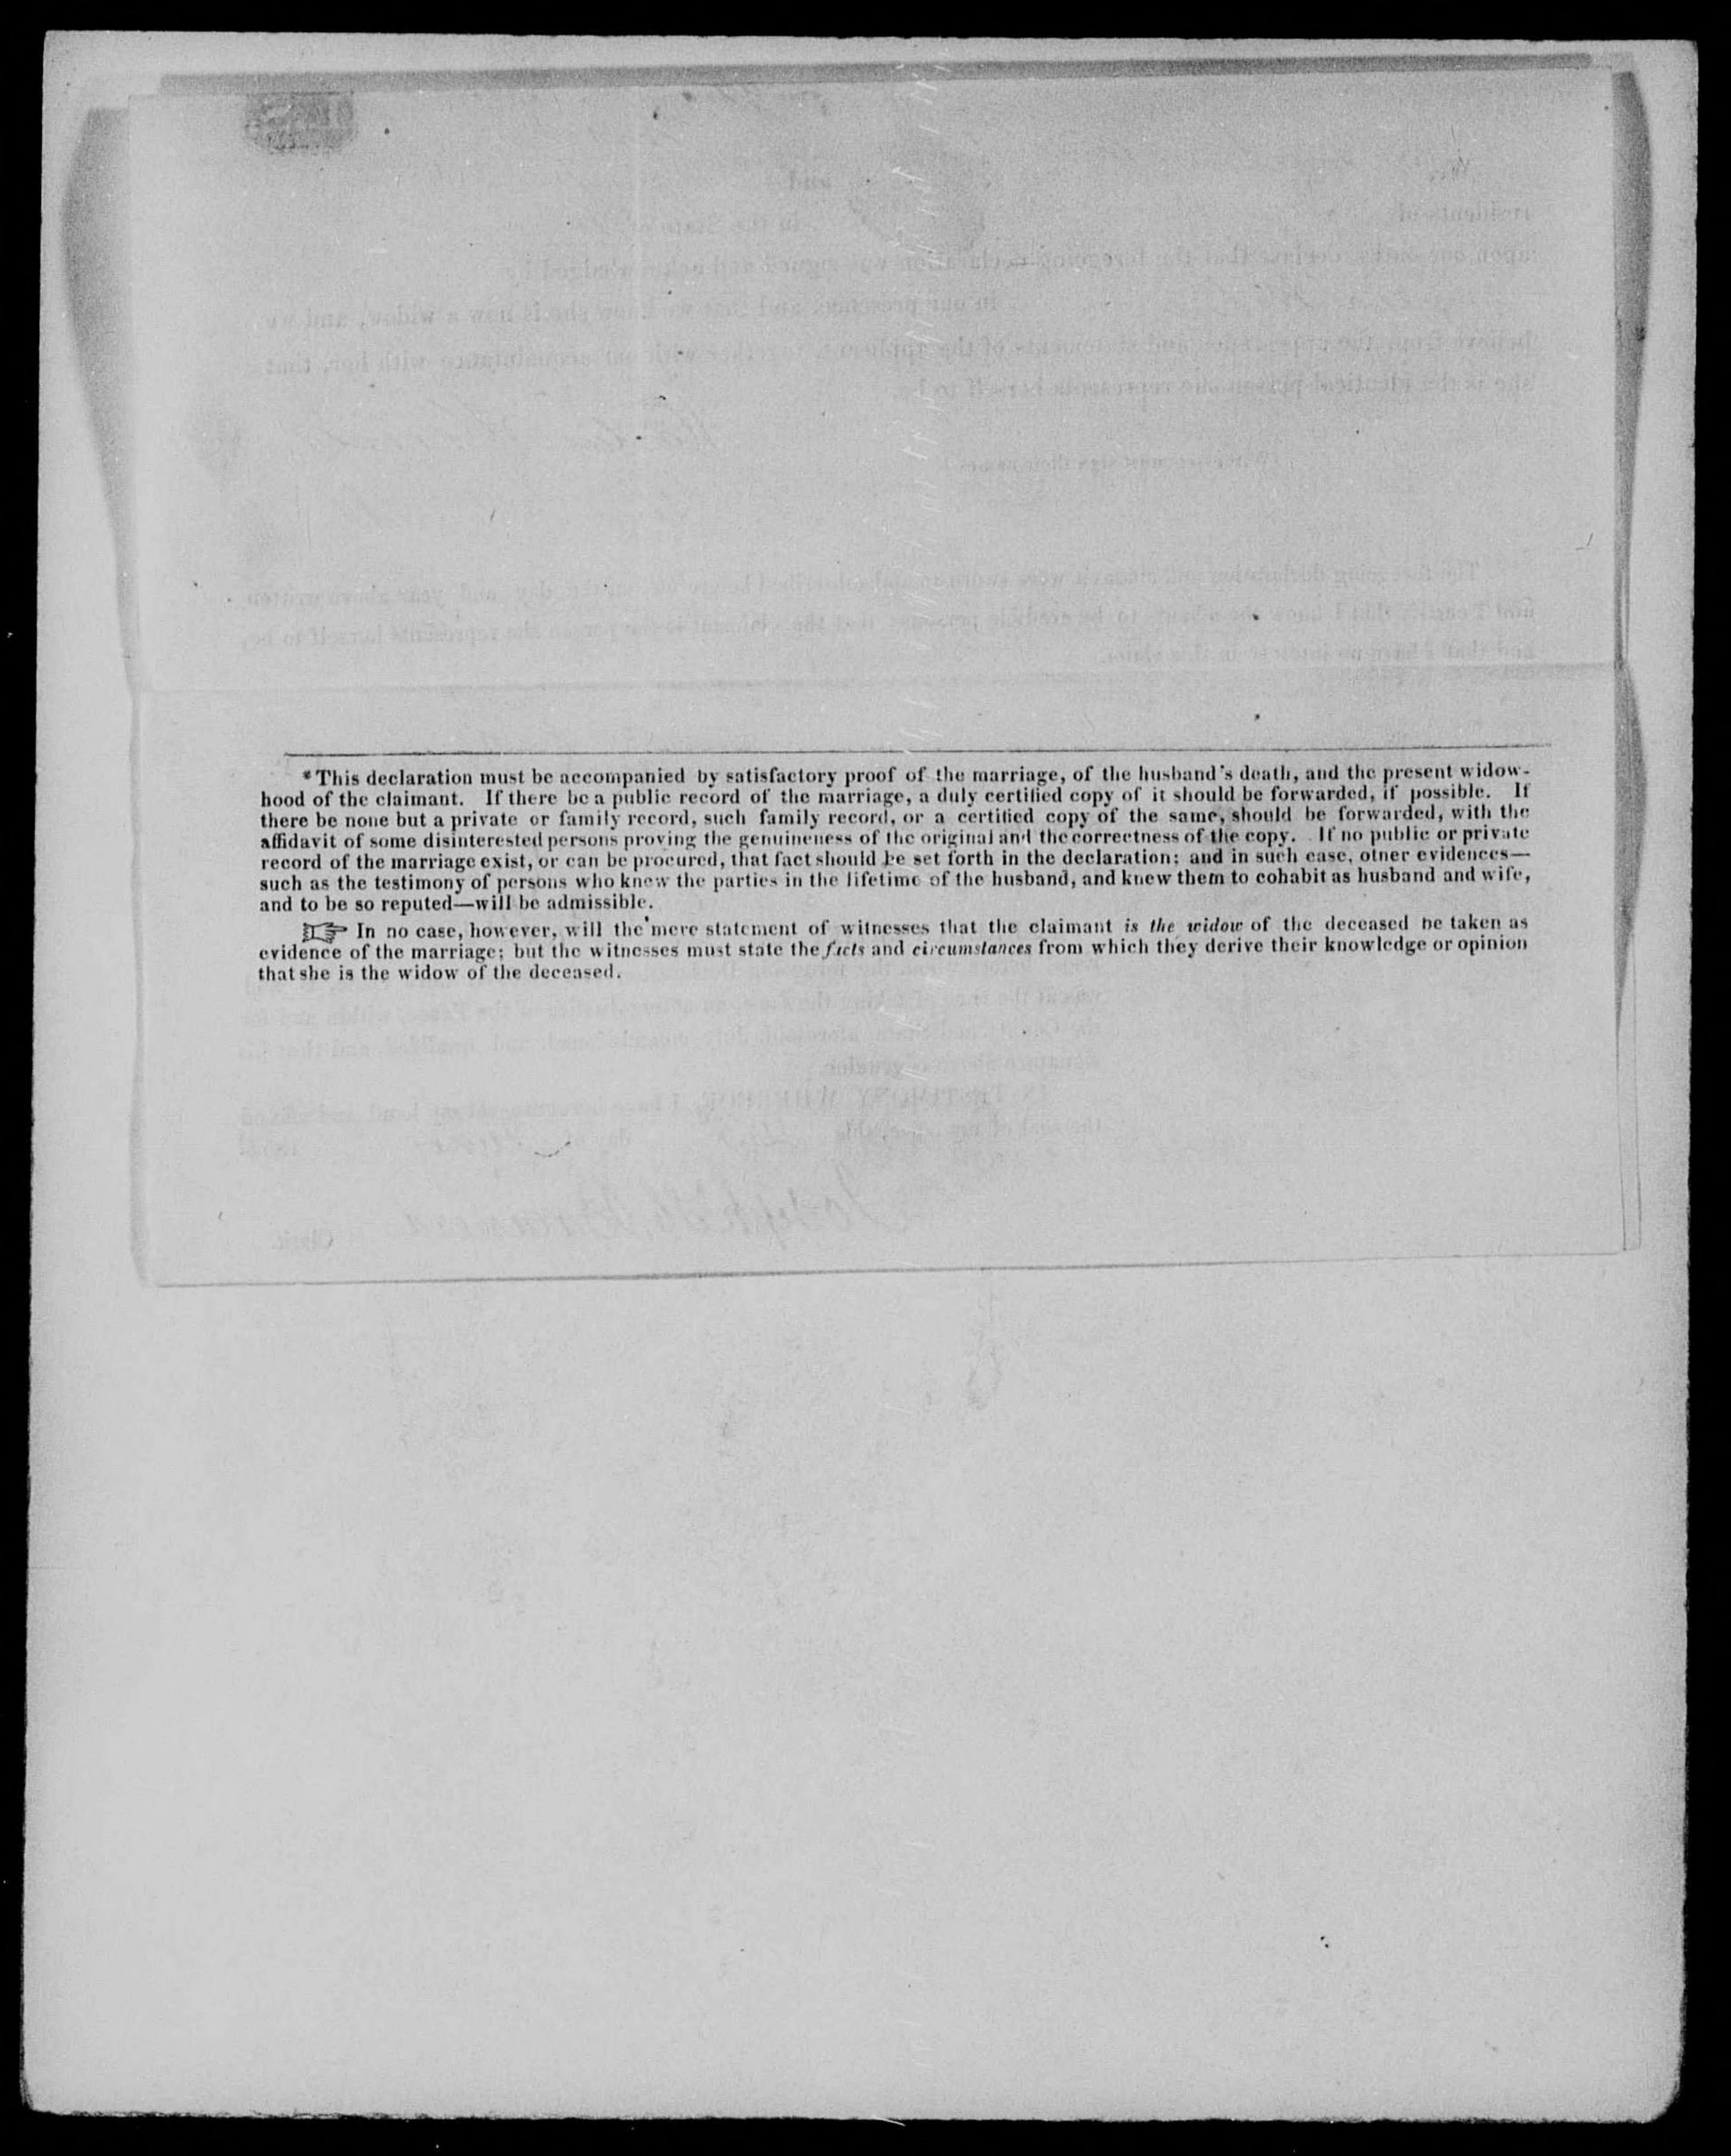* This declaration must be accompanied by satisfactory proof of the marriage, of the husband's death, and the present widow-hood of the claimant. If there be a public record of the marriage, a duly certified copy of it should be forwarded, if possible. If there be none but a private or family record, such family record, or a certified copy of the same, should be forwarded, with the affidavit of some disinterested persons proving the genuineness of the original and the correctness of the copy. If no public or private record of the marriage exist, or can be procured, that fact should be set forth in the declaration; and in such case, otner evidences- such as the testimony of persons who knew the parties in the lifetime of the husband, and knew them to cohabit as husband and wife, and to be so reputed- will be admissible.

[Printed drawing of a hand pointing to the right] In no case, however, will the mere statement of witnesses that the claimant is the widow of the deceased be taken as evidence of the marriage; but the witnesses must state the facts and circumstances from which they derive their knowledge or opinion that she is the widow of the deceased.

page: 17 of 72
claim: widow's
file: W. 7771, Stephen Holmes, Vt.